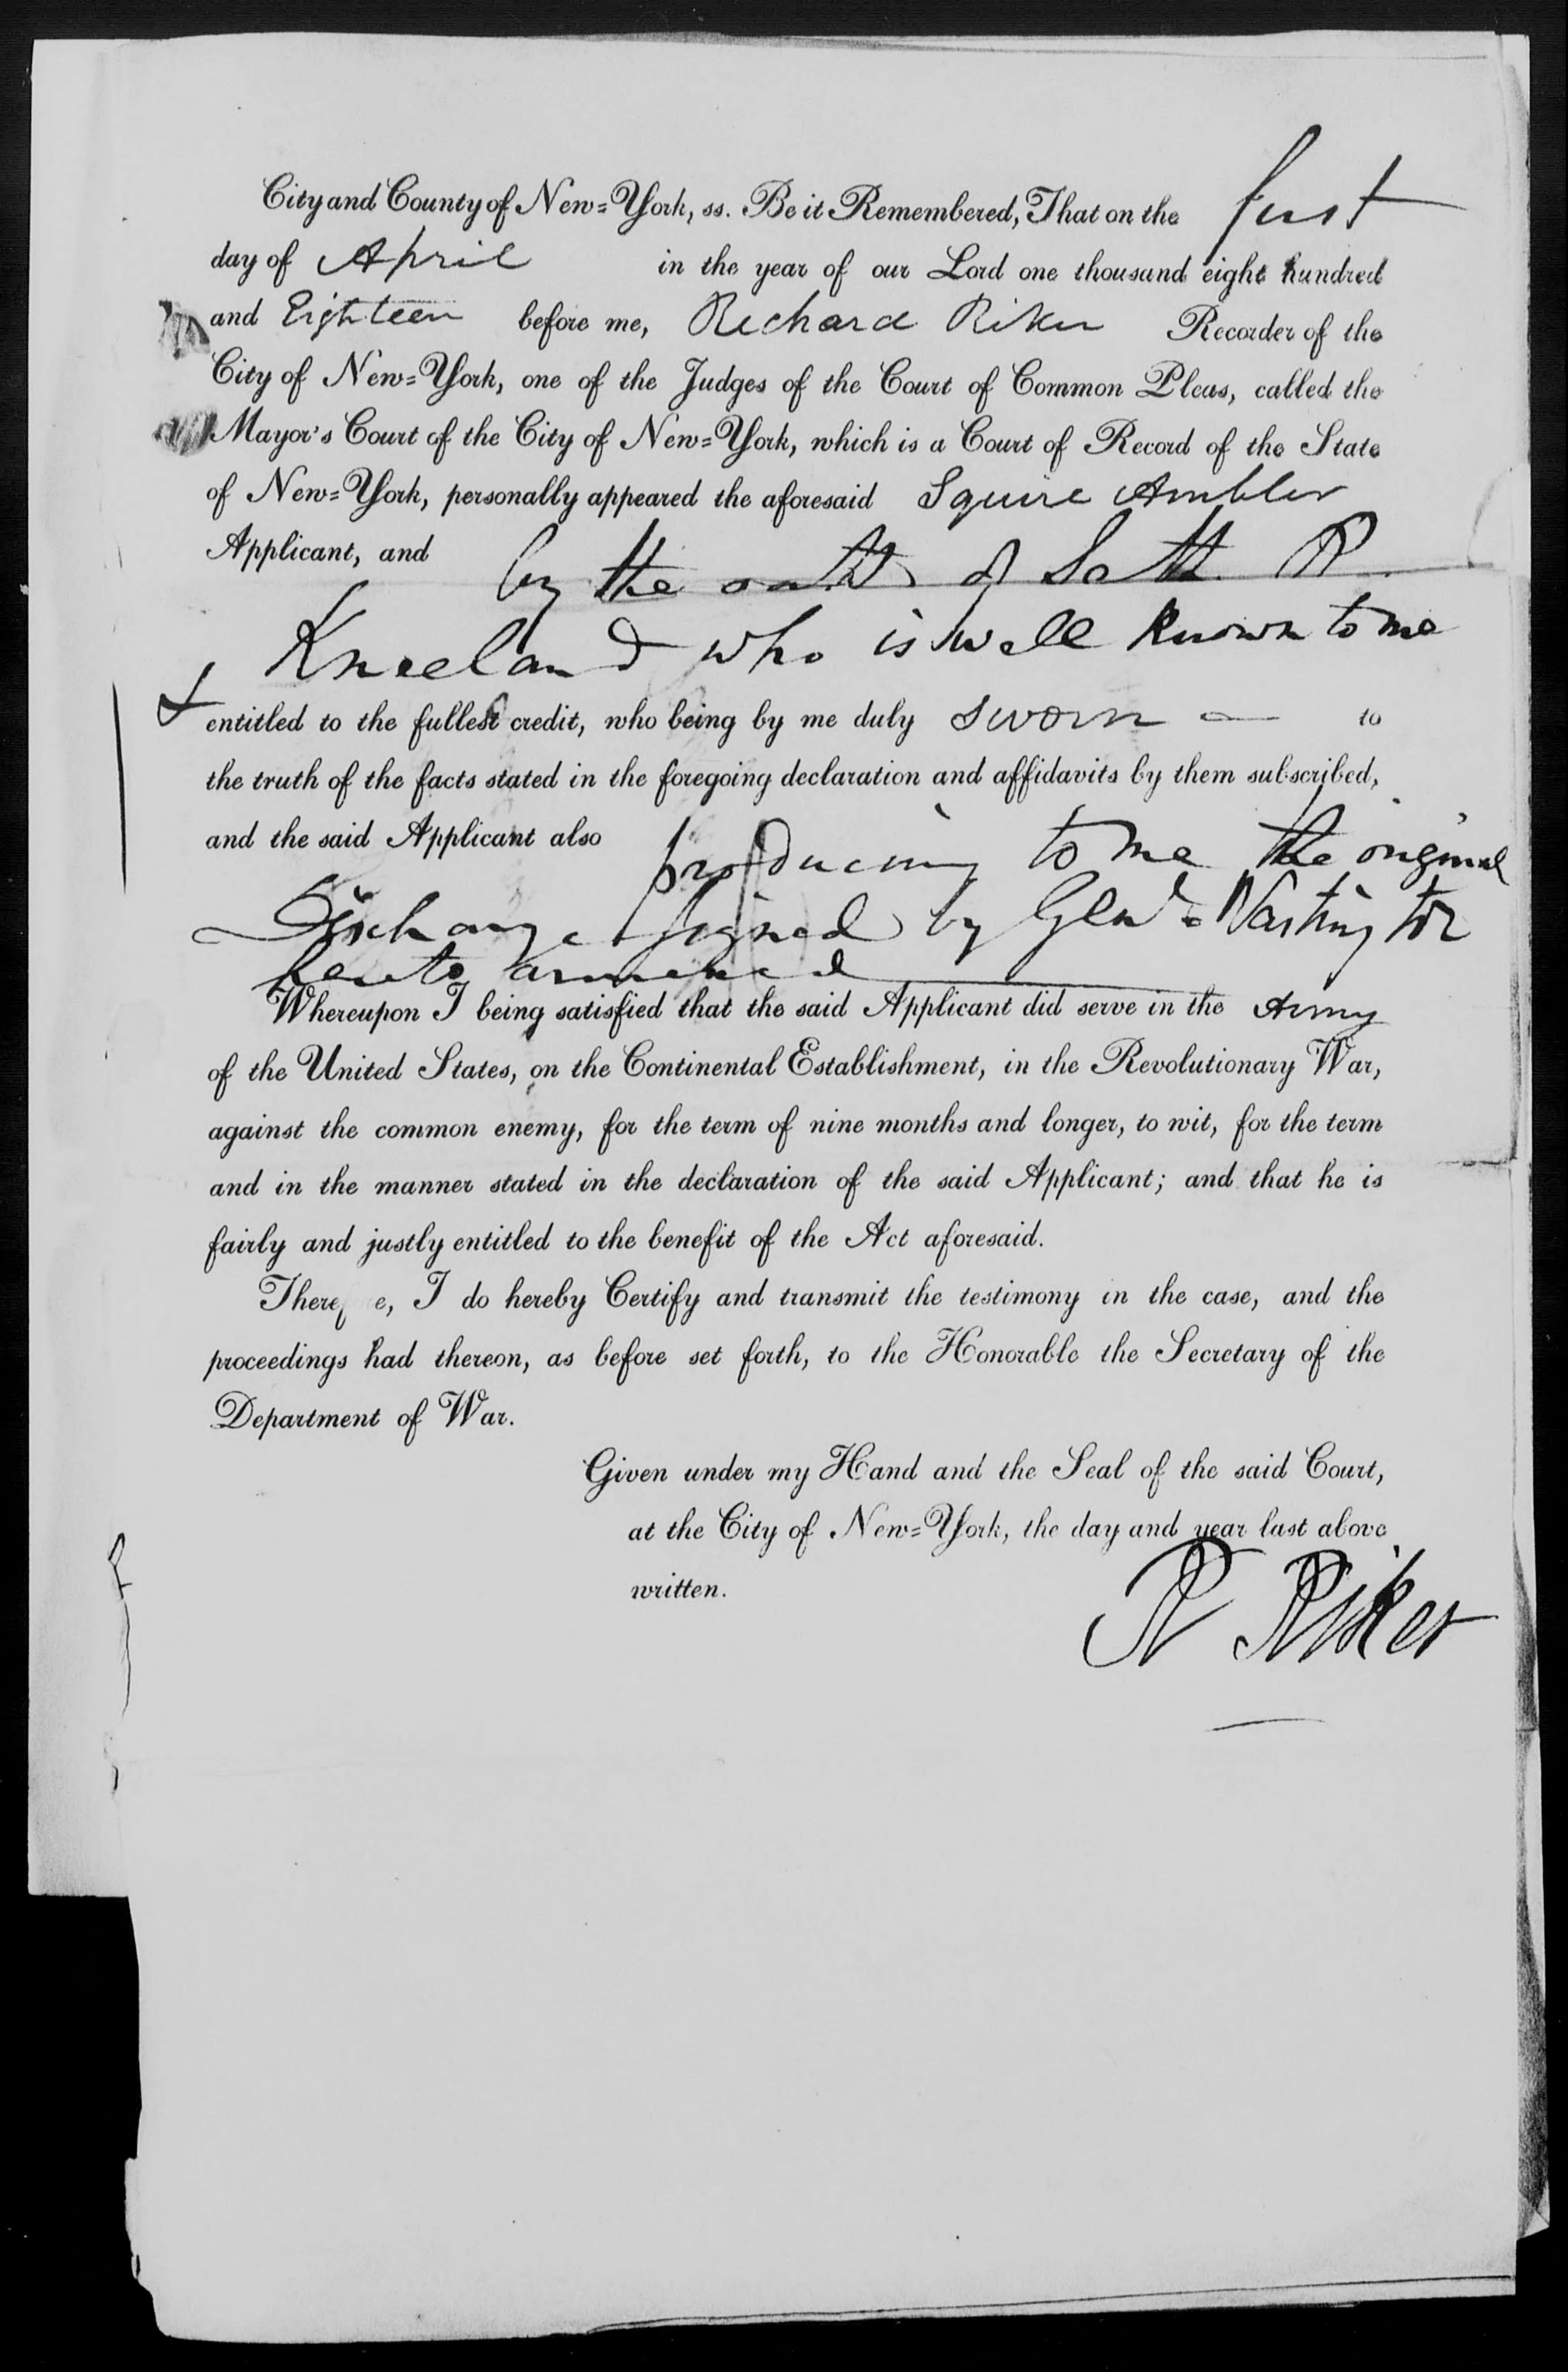City and County of New York, ss. Be it Remembered, That on the first day of April in the year of our Lord one thousand eight hundred and eighteen before me, Richard Riker Recorder of the City of New York, one of the Judges of the Court of Common Pleas, called the Mayor's Court of the City of New York, which is a Court of Record of the State of New York, personally appeared the aforesaid Squire Ambler Applicant, and by the oath of Seth R. Kneeland who is well known to me & entitled to the fullest credit, who being by me duly sworn to the truth of the facts stated in the foregoing declaration and affidavits by them subscribed, and the said Applicant also producing to me the original Discharge signed by Gen Washington hereto annexed.

Whereupon I being satisfied that the said Applicant did serve in the Army of the United States, on the Continental Establishment, in the Revolutionary War against the common enemy, for the term of nine months and longer, to wit, for the term and in the manner stated in the declaration of the said Applicant; and that he is fairly and justly entitled to the benefit of the Act aforesaid. 

Therefore, I do hereby Certify and transmit the testimony in the case, and the proceedings had thereon, as before set forth, to the Honorable the Secretary of the Department of War. 

Given under my Hand and the Seal of the said Court, at the City of New York, the day and year last above written. R Riker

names: Squire Ambler, Seth R Kneeland, R Riker, Richard Riker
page: 13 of 39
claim: widow's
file: W. 2,056, Squire Ambler, Continental (Sol. Res. In N.Y. & Conn.)